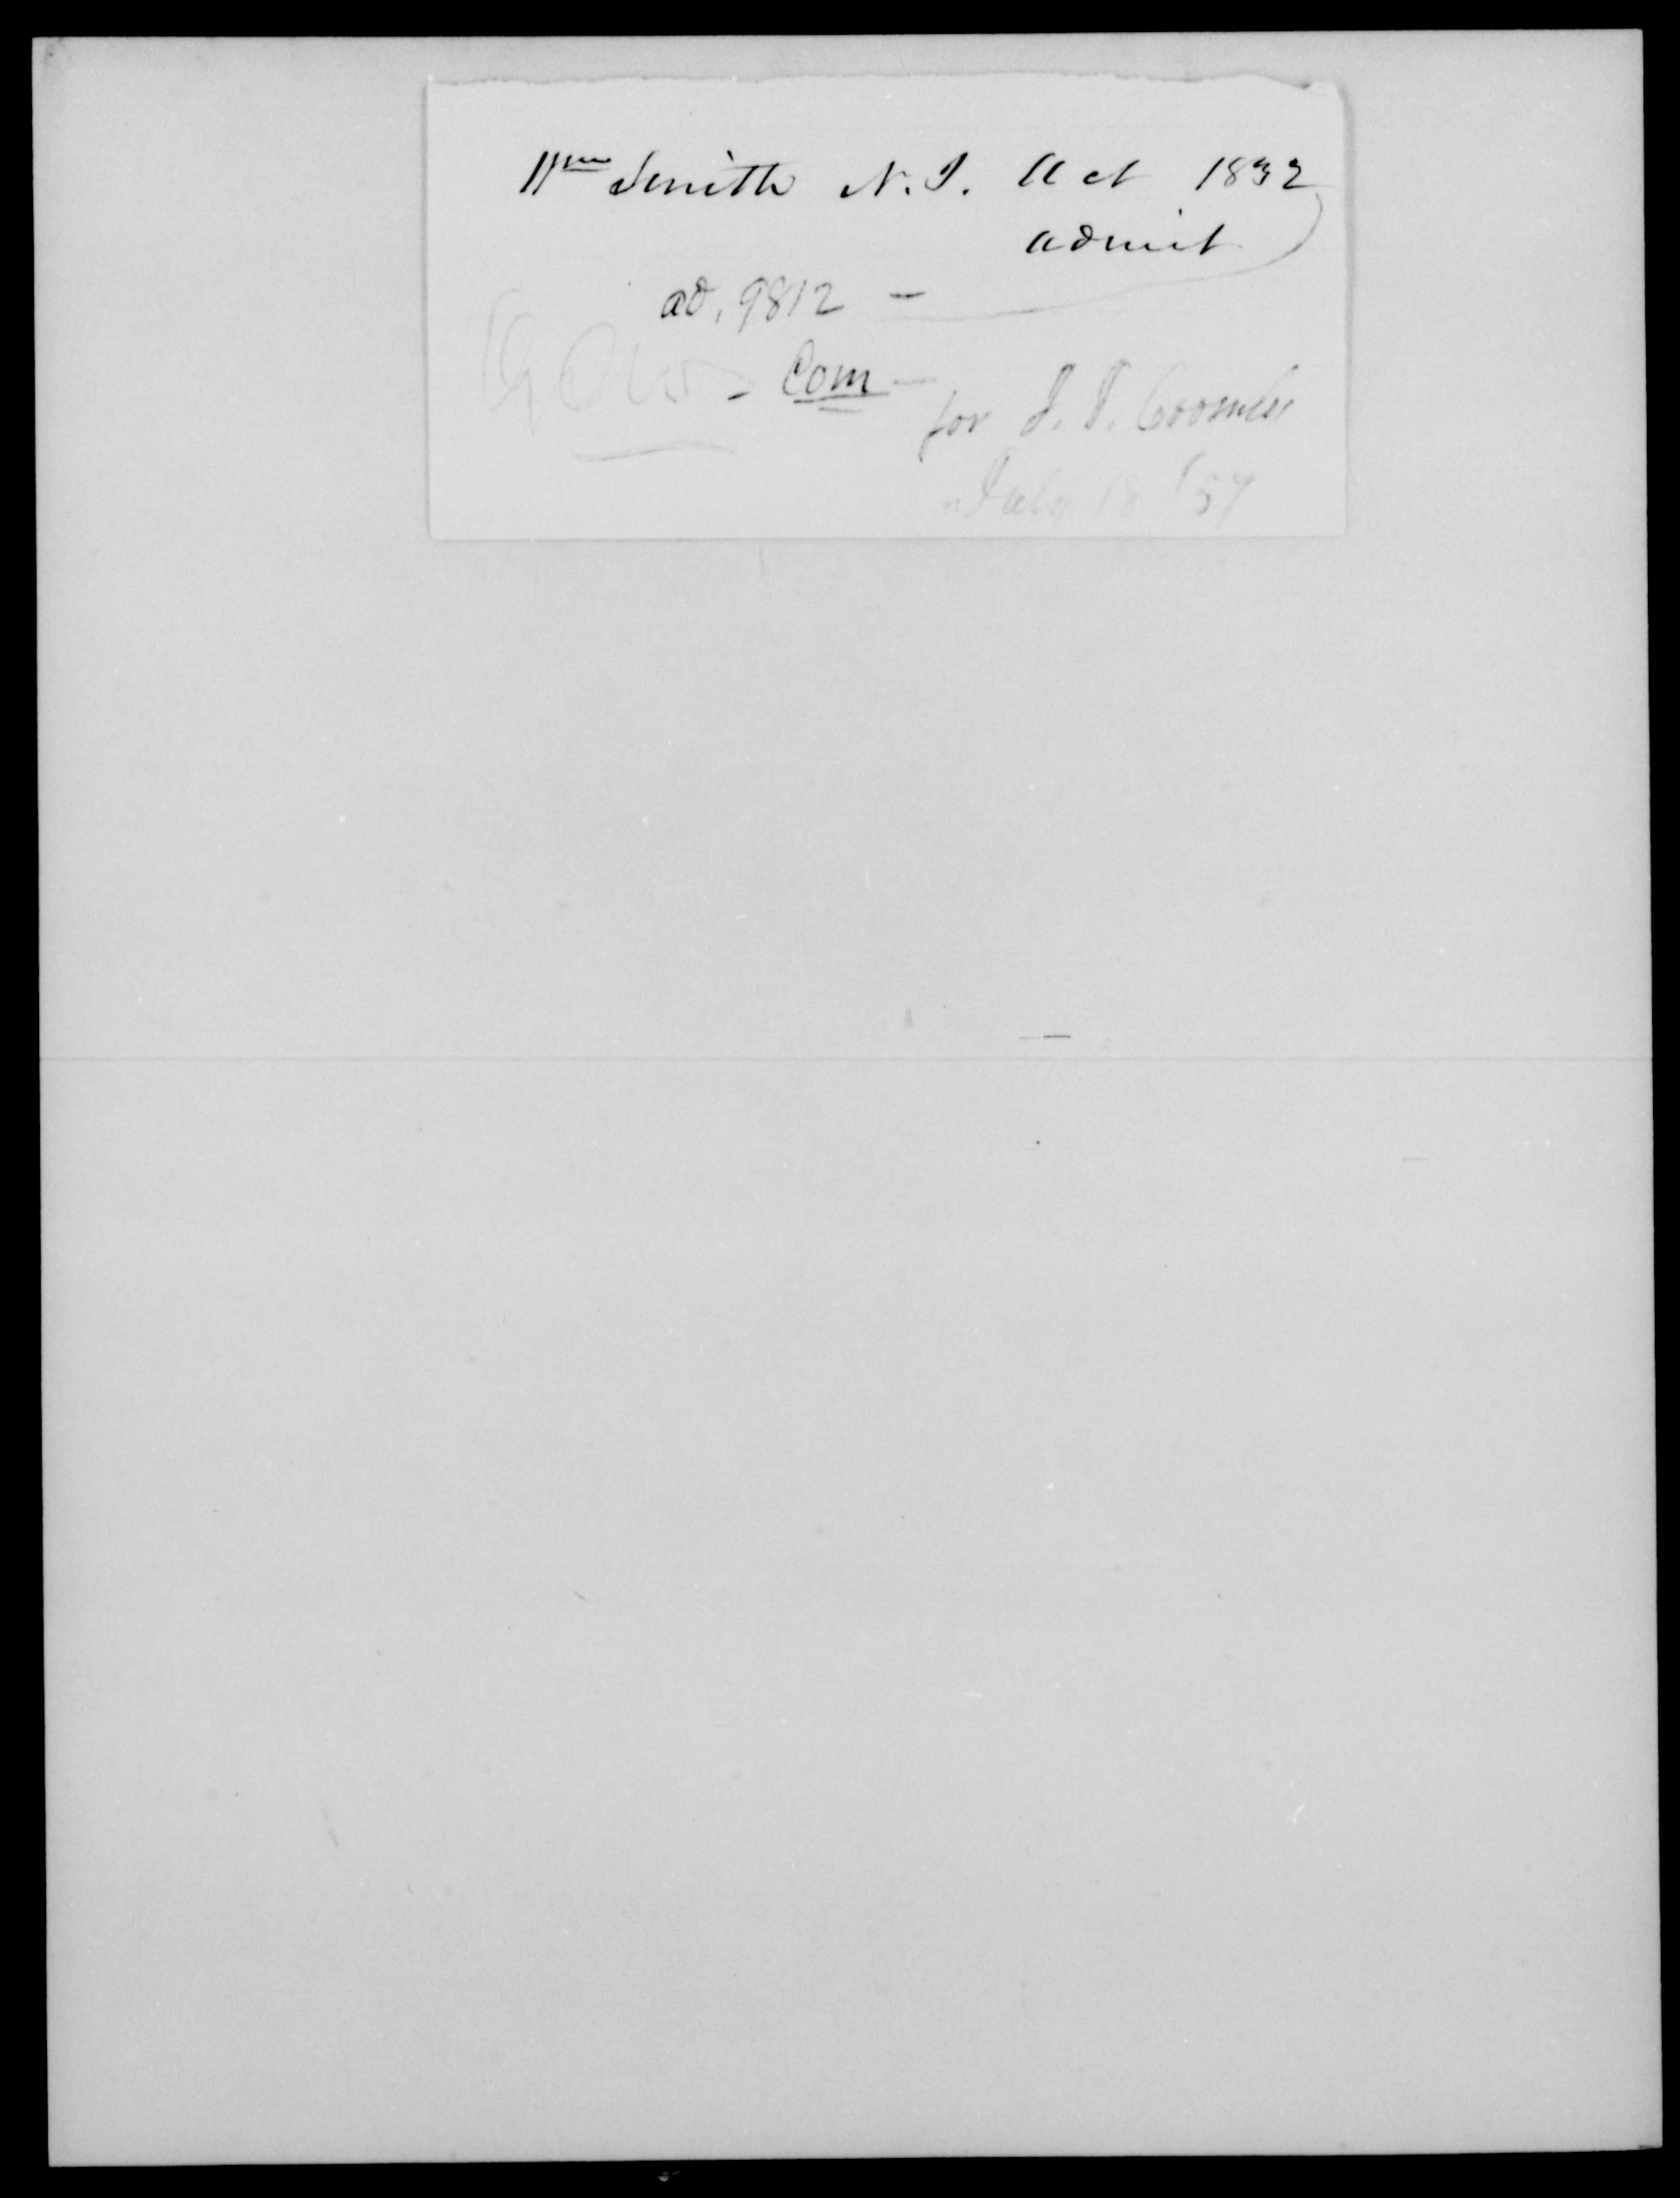Wm Smith N.J. Act 1832
admit
AO .9812 -
Com
for J. J. Coombs
July 18 / 57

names: Wm Smith; J J Coombs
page: 26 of 27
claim: survivor's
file: S. 915, for William Smith, New Jersey